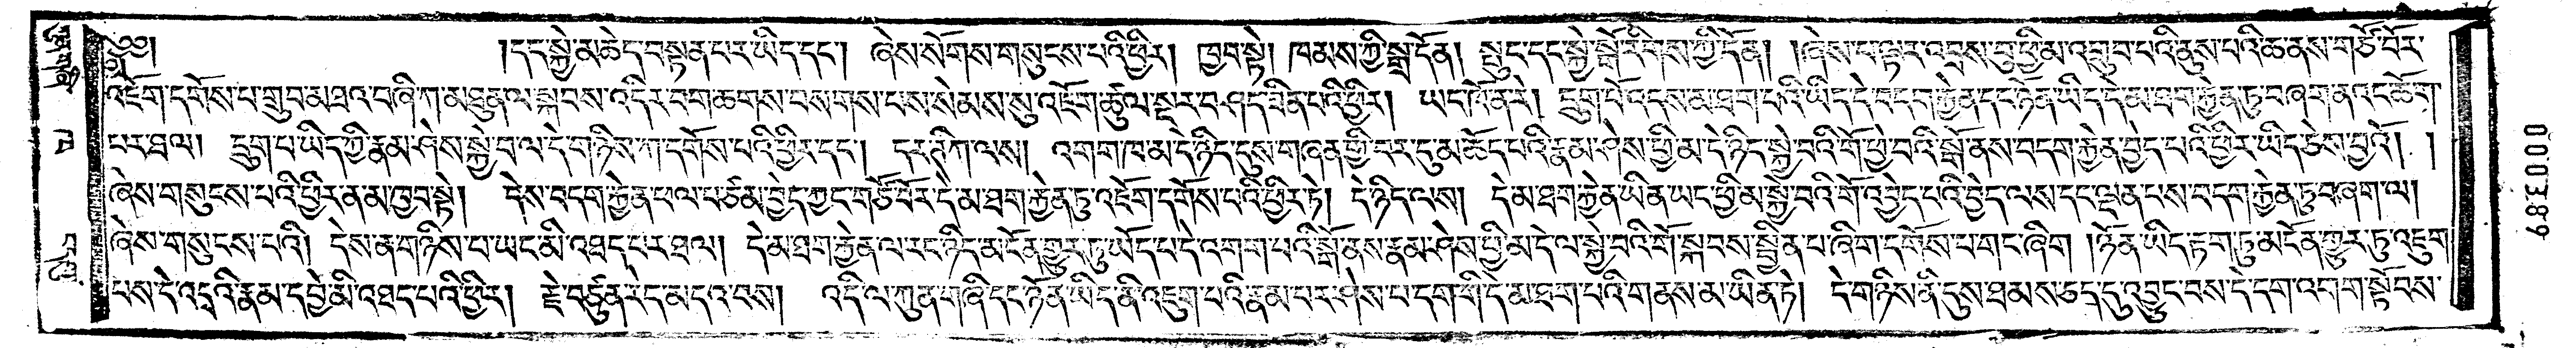༄༅། །དང་སྐྱེ་མཆེད་བསྟན་པར་ཡིད་དང་། ཞེས་སོགས་གསུངས་པའི་ཕྱིར། ཁྱབ་སྟེ། ཁམས་ཀྱི་སྒྲ་དོན། སྤུང་དང་སྐྱེ་སྒོ་རིགས་ཀྱི་དོན། །ཞེས་པ་ལྟར་འབྲས་བུ་ཕྱི་མ་འགྲུབ་པའི་ནུས་པའི་ཆ་ནས་གཙོ་བོར་
འཇོག་དགོས་པ་གྲུབ་མཐའ་བཞིག་མཐུན་ལ་སྐབས་འདིར་བག་ཆགས་བསགས་པས་སེམས་སུ་འཇོག་ཚུལ་སྔར་བཤད་ཟིན་བའི་ཕྱིར། ཡང་ཁོ་ན་རེ། དྲུག་པོ་འདས་མ་ཐག་པའི་ཡིད་དེ་བདག་རྐྱེན་དང་ཉོན་ཡིད་དེ་མ་ཐག་རྐྱེན་ཏུ་བཞག་ནའང་ཆོ་ག་
བར་ཐལ། དྲུག་པ་ཡིད་ཀྱི་རྣམ་ཤེས་སྐྱེ་བ་ལ་དེ་གཉིས་ཀ་དགོས་པའི་ཕྱིར་དང་། དར་ཊིཀ་ལས། འགག་ཁ་མ་དེ་ཉིད་དུས་གཞན་གྱི་པར་དུ་མ་ཆོད་པའི་རྣམ་ཤེས་ཕྱི་མ་དེ་ཉིད་སྐྱེ་བའི་གོ་ཕྱེ་བའི་སྒོ་ནས་བདག་རྐྱེན་བྱེད་པའི་ཕྱིར་ཡིད་ཅེས་བྱའོ། །
ཞེས་གསུངས་པའི་ཕྱིར་ན་མ་ཁྱབ་སྟེ། དེས་བདག་རྐྱེན་ཕལ་པ་ཙམ་བྱེད་ཀྱང་གཙོ་བོར་དེ་མ་ཐག་རྐྱེན་ཏུ་འཇོག་དགོས་པའི་ཕྱིར་ཏེ། དེ་ཉིད་ལས། དེ་མ་ཐག་རྐྱེན་ཡིན་ཡང་ཕྱི་མ་སྐྱེ་བའི་གོ་འབྱེད་པའི་བྱེད་ལས་དང་ལྡན་པས་བདག་རྐྱེན་ཏུ་བཞག་ལ།
ཞེས་གསུངས་པའི། དེས་ན་གཉིས་བ་ཡང་མི་འཐད་བར་ཐལ། དེ་མ་ཐག་རྐྱེན་ལ་རང་ཉིད་མངོན་གྱུར་ཏུ་ཡོད་པ་དེ་འགག་པའི་སྒོ་ནས་རྣམ་ཤེས་ཕྱི་མ་དེ་ལ་སྐྱེ་བའི་གོ་སྐབས་སྦྱིན་པ་ཞིག་དགོས་པ་གང་ཞིག །ཉོན་ཡིད་རྟག་ཏུ་མངོན་གྱུར་ཏུ་འཇུག་
པས་དེ་འདྲའི་རྣམ་དབྱེ་མི་འཐད་པའི་ཕྱིར། རྗེ་བཙུན་རེད་མདའ་བས། འདི་ལ་ཀུན་གཞི་དང་ཉོན་ཡིད་ནི་འཇུག་པའི་རྣམ་པར་ཤེས་བདག་གི་དེ་མ་ཐག་པའི་གནས་མ་ཡིན་ཏེ། དེ་གཉིས་ནི་དུས་ཐམས་ཅད་དུ་འབྱུང་བས་དེ་དག་འགག་སྟོབས་